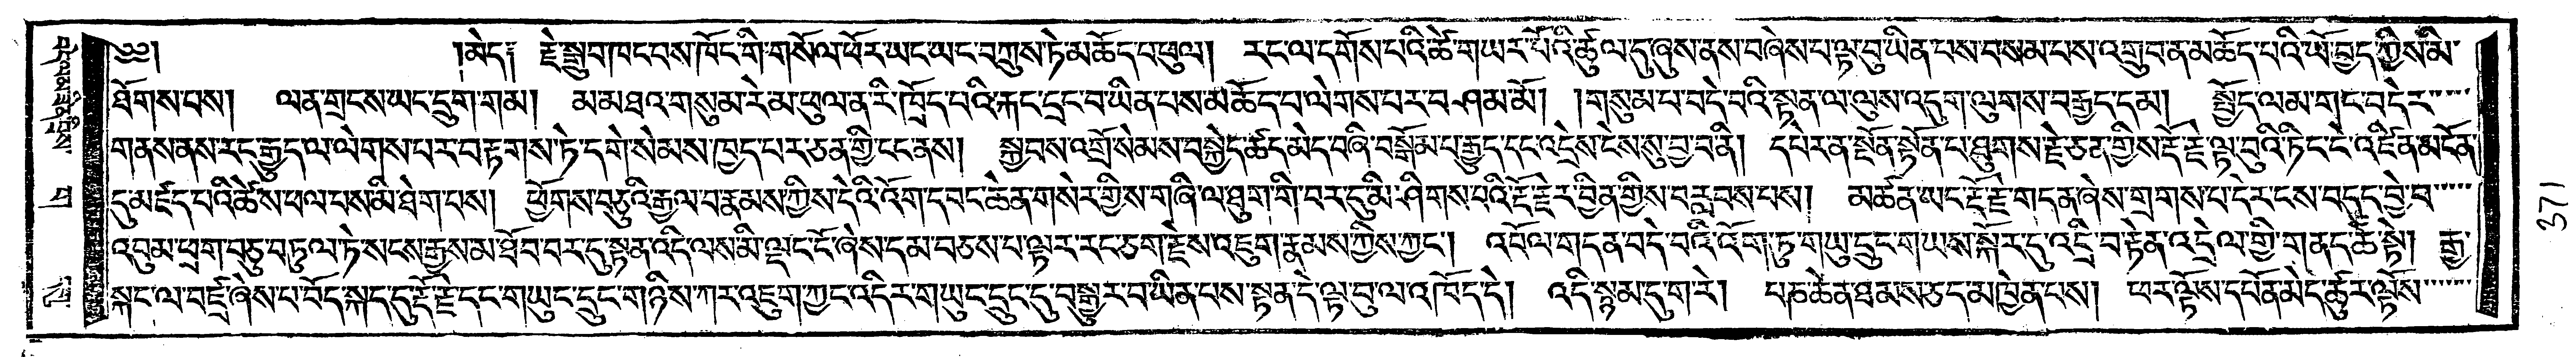༄༅། །མེད༑ རྗེ་སྒྲུབ་ཁང་བས་ཁོང་གི་གསོལ་ཕོར་ཡང་ཡང་བཀྲུས་ཏེ་མཆོད་པ་ཕུལ། རང་ལ་དགོས་བའི་ཚེ་གཡར་པོའི་ཚུལ་དུ་ཞུས་ནས་བཞེས་པ་ལྟ་བུ་ཡིན་པས་བསམ་པས་འགྲུབ་ན་མཆོད་པའི་ཡོ་བྱད་ཀྱིས་མི་
ཐོགས་པས། ལན་གྲངས་ཡང་དྲུག་གམ། མ་མཐའ་གསུམ་རེ་མ་ཕུལ་ན་རི་ཁྲོད་པའི་རྐང་དྲང་བ་ཡིན་པས་མཆོད་པ་ལེགས་པར་བཤམ་མོ། །གསུམ་པ་བདེ་བའི་སྟན་ལ་ལུས་འདུག་ལུགས་བརྒྱད་དམ། སྤྱོད་ལམ་གང་བ་དེར་
གནས་ནས་རང་རྒྱུད་ལ་ལེགས་པར་བརྟགས་ཏེ་དགེ་སེམས་ཁྱད་པར་ཅན་གྱི་ངང་ནས། སྐྱབས་འགྲོ་སེམས་བསྐྱེད་ཚད་མེད་བཞི་བསྒོམ་པ་རྒྱུད་དང་འདྲེས་ངེས་སུ་བྱ་བ་ནི། དཔེར་ན་སྔོན་སྟོན་པ་ཐུགས་རྗེ་ཅན་གྱིས་རྡོ་རྗེ་ལྟ་བུའི་ཏིང་ངེ་འཛིན་མངོན་
དུ་མ་ཚད་པའི་ཚེས་ཕལ་བས་མི་ཐེག་པས། ཕྱོགས་བཅུའི་རྒྱལ་བ་རྣམས་ཀྱིས་དེའི་འོག་དབང་ཆེན་གསེར་གྱིས་གཞི་ལ་ཐུག་གི་བར་དུ་མི་ཤིགས་པའི་རྡོ་རྗེར་བྱིན་གྱིས་བརླབས་པས། མཚན་ཡང་རྡོ་རྗེ་གདན་ཞེས་གྲགས་པ་དེ་རངས་བདུད་བྱེ་བ་
འབུམ་ཕྲག་བཅུ་བཏུལ་ཏེ་སངས་རྒྱས་མ་ཐོབ་བར་དུ་སྟན་འདི་ལས་མི་ལྡང་ངོ་ཞེས་དམ་བཅས་པ་ལྟར་རང་ཅག་རྗེས་འཇུག་རྣམས་ཀྱིས་ཀྱང་། འབོལ་གདན་བདེ་བའི་འོག་ཏུ་གཡུ་དྲུང་གཡས་སྐོར་དུ་འདྲི་བརྟེན་འདྲེལ་གྱི་གནད་ཚེ་སྟེ། རྒྱ་
སྐད་ལ་བཛྭ་ཞེས་པ་བོད་སྐད་དུ་རྡོ་རྗེ་དང་གཡུང་དྲུང་གཉིས་ཀར་འཇུག་ཀྱང་འདིར་གཡུང་དྲུང་དུ་བསྒྱུར་བ་ཡིན་པས་སྟན་དེ་ལྟ་བུ་ལ་འཁོད་དེ། འདི་སྙམ་དུ་ག་རེ། པཎ་ཆེན་ཐམས་ཅད་མཁྱེན་པས། ཕར་ལྟོས་དཔོན་མེད་ཚུར་ལྟོས་